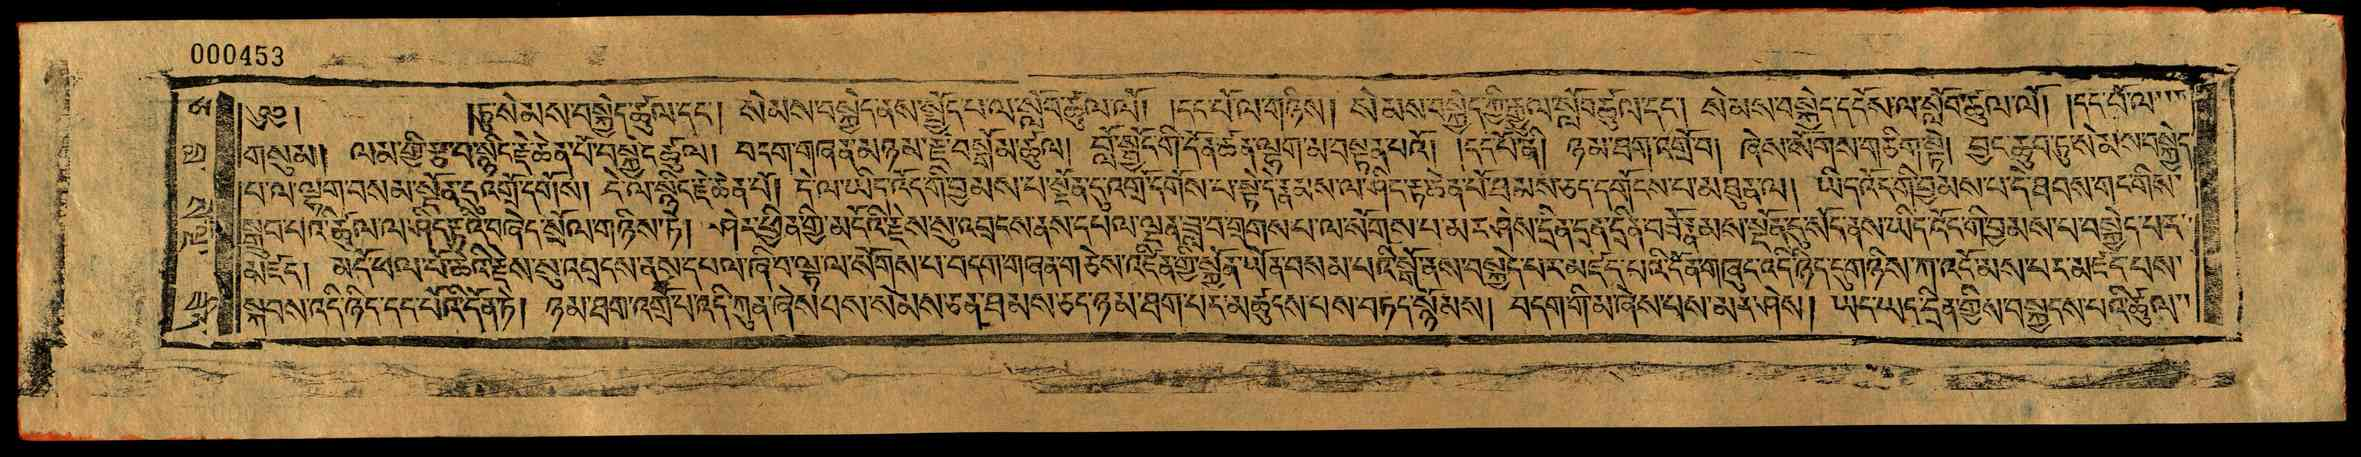༄༅། །ཏུ་སེམས་བསྐྱེད་ཚུལ་དང་། སེམས་བསྐྱེད་ནས་སྤྱོད་པ་ལ་སློབ་ཚུལ་ལོ། །དང་པོ་ལ་གཉིས། སེམས་བསྐྱེད་ཀྱི་རྒྱུ་ལ་སློབ་ཚུལ་དང་། སེམས་བསྐྱེད་དངོས་ལ་སློབ་ཚུལ་ལོ། །དང་པོ་ལ་
གསུམ། ལམ་གྱི་རྩ་བ་སྙིང་རྗེ་ཆེན་པོ་བསྐྱེད་ཚུལ། བདག་གཞན་མཉམ་རྗེ་བསྒོམ་ཚུལ། བློ་སྦྱོང་གི་དོན་ཚན་ལྷག་མ་བསྟན་པའོ། །དང་པོ་ནི། ཉམ་ཐག་འགྲོ་བ། ཞེས་སོགས་གཅིག་སྟེ། བྱང་ཆུབ་ཏུ་སེམས་བསྐྱེད་
པ་ལ་ལྷག་བསམ་སྔོན་དུ་འགྲོ་དགོས། དེ་ལ་སྙིང་རྗེ་ཆེན་པོ། དེ་ལ་ཡིད་འོང་གི་བྱམས་པ་སྔོན་དུ་འགྲོ་དགོས་པ་སྟེ་དེ་རྣམས་ལ་ཤིང་རྟ་ཆེན་པོ་ཐམས་ཅད་དགོངས་པ་མཐུན་ལ། ཡིད་འོང་གི་བྱམས་པ་དེ་ཐབས་གང་གིས་
སྒྲུབ་པའི་ཚུལ་ལ་ཤིང་རྟའི་བཞེད་སྲོལ་གཉིས་ཏེ། ཤེར་ཕྱིན་གྱི་མདོའི་རྗེས་སུ་འབྲངས་ནས་དཔལ་ལྡན་ཟླ་བ་གྲགས་པ་ལ་སོགས་པ་མར་ཤེས་དྲིན་དྲན་དྲིན་བཟོ་རྣམས་སྔོན་དུ་སོང་ནས་ཡིད་འོང་གི་བྱམས་པ་བསྐྱེད་པར་
མཛད། མདོ་ཕལ་པོ་ཆེའི་རྗེས་སུ་འབྲངས་ནས་དཔལ་ཞི་བ་ལྷ་ལ་སོགས་པ་བདག་གཞན་གཅེས་འཛིན་གྱི་སྐྱོན་ཡོན་བསམ་པའི་སྒོ་ནས་བསྐྱེད་པར་མཛད་པའི་དོན་གཞུང་འདི་ཉིད་དུ་གཉིས་ཀ་འདོམས་པར་མཛད་པས་
སྐབས་འདི་ཉིད་དང་པོའི་དོན་ཏེ། ཉམ་ཐག་འགྲོ་བ་འདི་ཀུན་ཞེས་པས་སེམས་ཅན་ཐམས་ཅད་ཉམ་ཐག་པར་མཚུངས་པས་བཏང་སྙོམས། བདག་གི་མ་ཞེས་པས་མར་ཤེས། ཡང་ཡང་དྲིན་གྱིས་བསྐྱངས་པའི་ཚུལ་